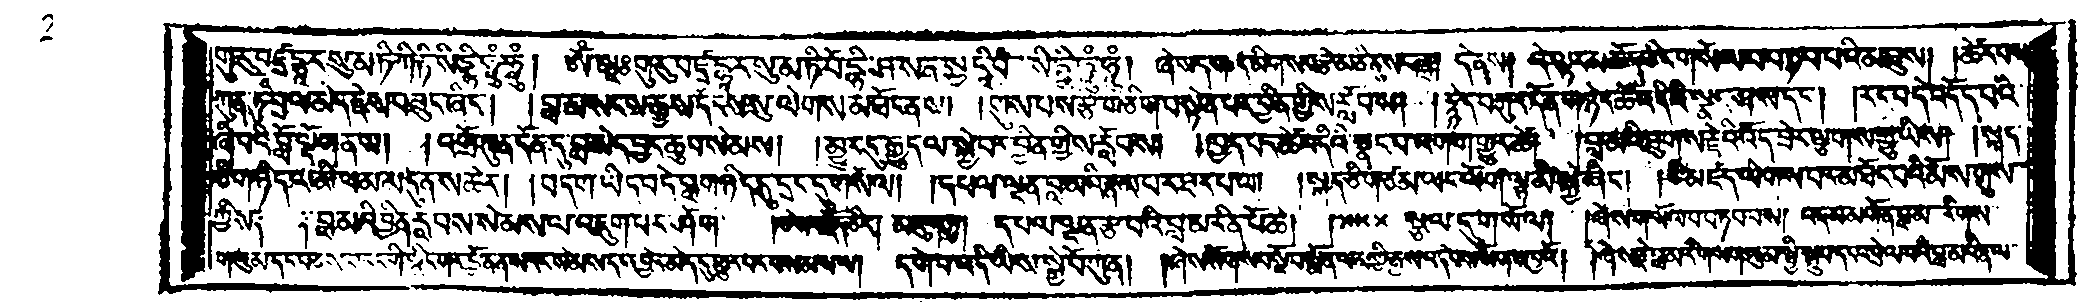གུ་རུ་བཛྲ་དྷཱ་ར་སུ་མ་ཏི་ཀི་རྟི་སི་དྡྷི་ཧཱུཾ་ཧཱུཾ། ཨོཾ་ཨཱཿ གུ་རུ་བཛྲ་དྷཱ་ར་སུ་མ་ཏི་བོ་དྷི་ཤ་ས་ན་སྱ་དཱི་བཾ་སི་དྡྷི་ཧཱུཾ་ཧཱུཾ། ཞེས་དང་། དམིགས་བརྩེ་མ་ཅི་ནུས་བཟླ། དེ་ནས། དེ་ལྟར་མཆོད་ཅིང་གསོལ་བ་བཏབ་པའི་མཐུས། །ཚེ་རབས་
ཀུན་ཏུ་བྲལ་མེད་རྗེས་བཟུང་ཞིང་། །བླ་མ་སངས་རྒྱས་དངོས་སུ་ལེགས་མཐོང་ནས། །གུས་པས་རྩེ་གཅིག་བསྟེན་པར་བྱིན་གྱིས་རློབས། །རྙེད་བཀུར་དོན་གཉེར་ཚེ་འདིའི་སྣང་ཤས་དང་། །རང་བདེ་འདོད་པའི་
ཞི་བའི་བློ་ལྡོག་ནས། །འགྲོ་ཀུན་དོན་དུ་བླ་མེད་བྱང་ཆུབ་སེམས། །མྱུར་དུ་རྒྱུད་ལ་སྐྱེ་བར་བྱིན་གྱིས་རློབས། །ཁྱད་པར་ཚེ་འདིའི་སྣང་བ་འགག་གྱུར་ཚེ། །བླ་མའི་ཐུགས་རྗེའི་འོད་ཟེར་ལྕགས་ཀྱུ་ཡིས། །སྐད་
ཅིག་ཉིད་ལ་མི་ཕམ་མདུན་ས་ཆེར། །བདག་ཡིད་བདེ་བླག་ཉིད་དུ་དྲང་དུ་གསོལ། །དཔལ་ལྡན་བླ་མའི་རྣམ་པར་ཐར་པ་ལ། །སྐད་ཅིག་ཙམ་ཡང་ལོག་ལྟ་མི་སྐྱེ་ཞིང་། །ཅི་མཛད་ལེགས་པར་མཐོང་བའི་མོས་གུས་
ཀྱིས། །བླ་མའི་བྱིན་རླབས་སེམས་ལ་འཇུག་པར་ཤོག ། ཅེས་བརྗོད་ཅིང་། མཇུག་ཏུ།  དཔལ་ལྡན་རྩ་བའི་བླ་མ་རིན་པོ་ཆེ། །྾་྾་྾་སྩལ་དུ་གསོལ། །ཞེས་གསོལ་བ་བཏབ་པས། འཇམ་མགོན་བླ་མ་རིགས་
གསུམ་དང་བཅས་པ་རང་གི་སྙིང་གར་བྱོན་ནས་རང་སེམས་དང་དབྱེར་མེད་དུ་གྱུར་བར་བསམས་ལ། དགེ་བ་འདི་ཡིས་སྐྱེ་བོ་ཀུན། །ཞེས་སོགས་བསྔོ་བ་སྨོན་ལམ་གྱི་རྒྱས་འདེབས་སོགས་བྱའོ། །ཞེས་རྗེ་བླ་མ་རིགས་གསུམ་སྤྱི་སྒྲུབ་དང་འབྲེལ་བའི་བླ་མའི་རྣལ་